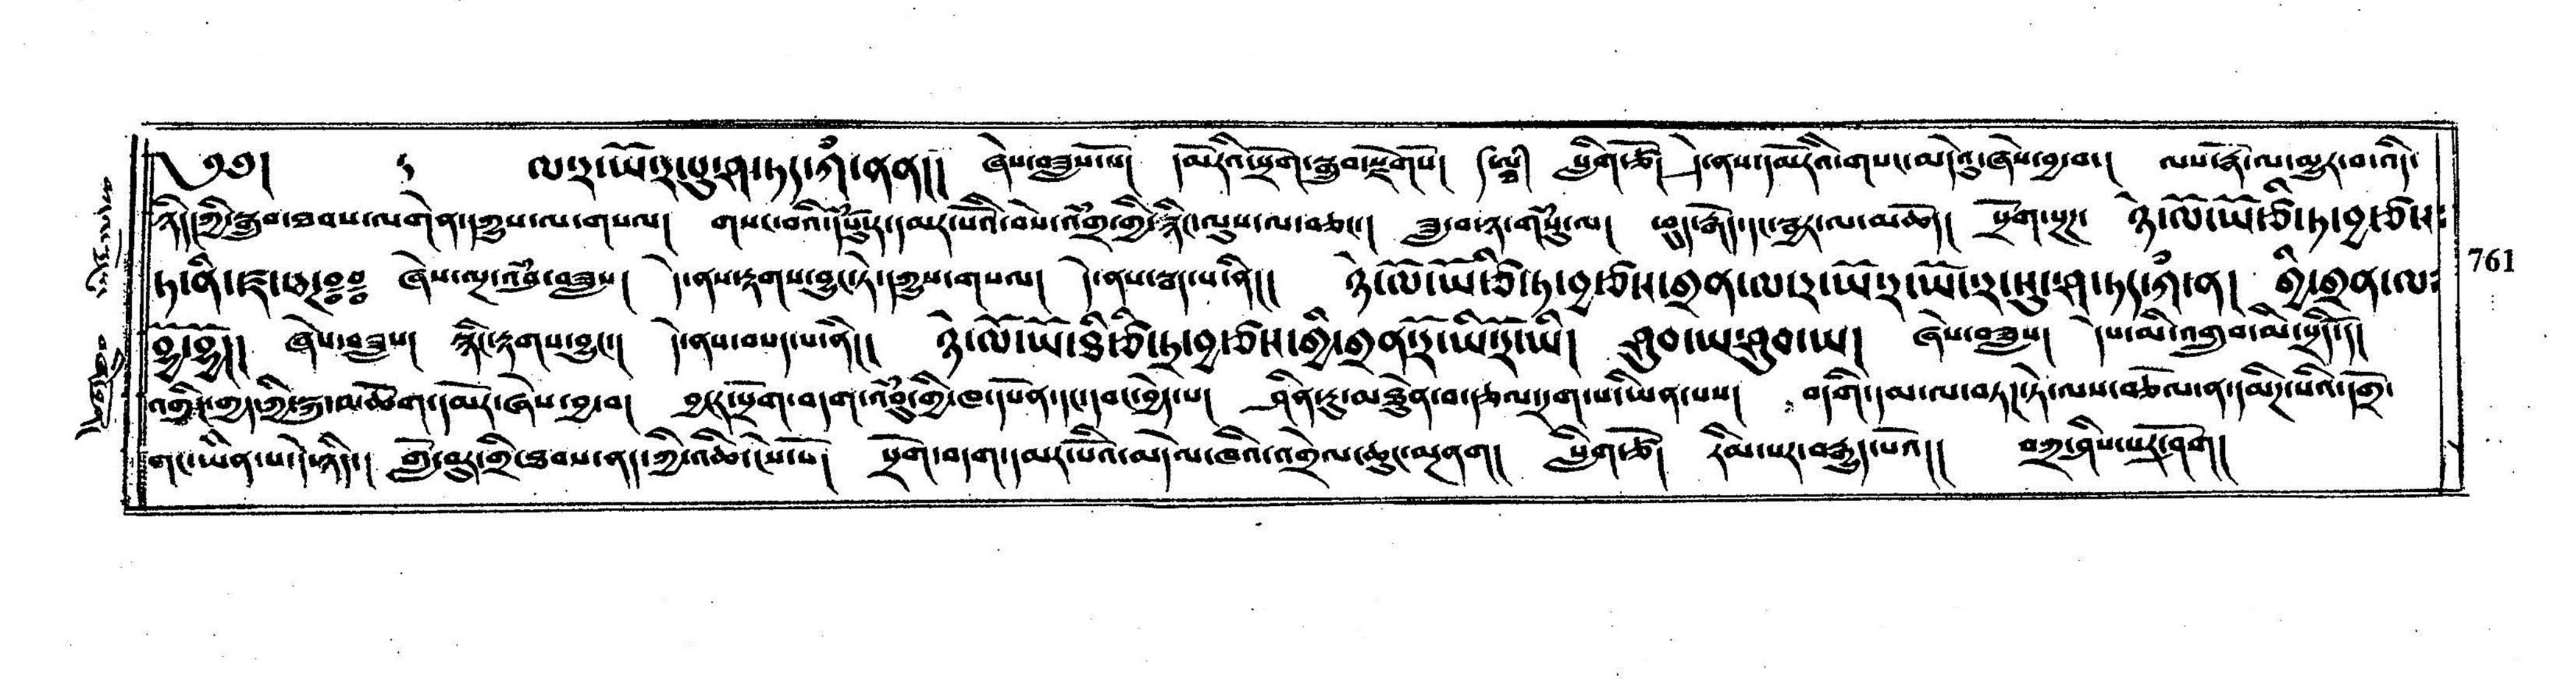ལ་ར་ཡོ་ར་པུ་ཤ་ཏད་ཀཾ་ནན།། ཞེས་བཟླས་སོ། དམར་པོའི་སྲོག་སྒྲུབ་རྫོགས་སོ། ཨྠིྀ སླིག་ཙོ། དེ་ནས་དམར་པོའི་གསང་མདེའུ་ཞེས་བྱ་བ། ལས་རྣོ་ལ་མྱུར་བ་འདི་
ཉིད་ཀྱི་སྒྲུབ་ཐབས་ལག་ལེན་དཀྱུས་ལ་གསལ། གསང་བའི་དམ་རྫས་སུ་ར་དམར་པོའི་བསེ་འགྲམ་གྱི་སྙིང་ཕྱེ་ལུས་ལ་བཅང་། ཟླ་བ་ཉ་གསུམ་ལ། ཕུད་རྒོད་དང་སྦྱར་ལ་མཆོད། སྲོག་སྔགས། ཉེ་ལོ་ཡོ་ཙི་ཏ་བྱ་ཙས་
ཏ་ནི་ཛ་ཕཊ༔༔ ཞེས་ལྔ་འབུམ་བཟླས། དེ་ནས་རྟགས་བྱུང་ཏེ་དཀྱུས་གསལ། དེ་ནས་སྦད་པ་ནི།། ཉེ་ལོ་ཡོ་ཙི་ཏ་བྱ་ཙས་གྲན་ལ་ར་ཡོ་ར་ཡོ་ར་སུ་ཤ་ཏད་ཀཾ་ན། གྱི་གྲན་ལ་
བྷྱོ་བྷྱོ།། ཞེས་བཟླས། སྙིང་རྟགས་བྱུང་། དེ་ནས་བསད་པ་ནི།། ཉེ་ལོ་ཡོ་ཐི་ཙི་ཏྲ་བྱ་ཙས་གྱི་གྲན་རོ་ཡི་རོ་ཡི། ཤུབ་ཡ་ཤུབ་ཡ། ཞེས་བཟླས། དེས་མི་འགྲུབ་མི་སྲིད་དོ། 
འགྱིང་གྱད་ཀྱི་སྐུ་མཆོག་དམར་པོ་ཞེས་བྱ་བ། བྱང་ཤར་སྲོག་བདག་འབུམ་གྱི་ཁ་དཔོན་དང་དབང་བྱེད་པ། ཤིན་ཏུ་མཐུ་ཆེ་བ་རྩལ་དྲག་པ་ཡིན་པས། བདག་གི་དམ་ལ་བཏགས་ཏེ་ལས་བཅོལ་ན་དམིགས་པའི་དགྲ་བོ་
གང་ཡིན་པ་དེ་ཉིད། གློ་བུར་གྲི་ཐབས་ནད་ཀྱིས་འཆི་ངེས་སོ། སྲོག་བདག་དམར་པོའི་མདེལ་ཁའི་འགྲེལ་ཆུང་མན་ངག སླིག་ཙོ། རིམ་པར་བརྒྱུད་པའོ།། བཀྲ་ཤིས་པར་ཤོག།